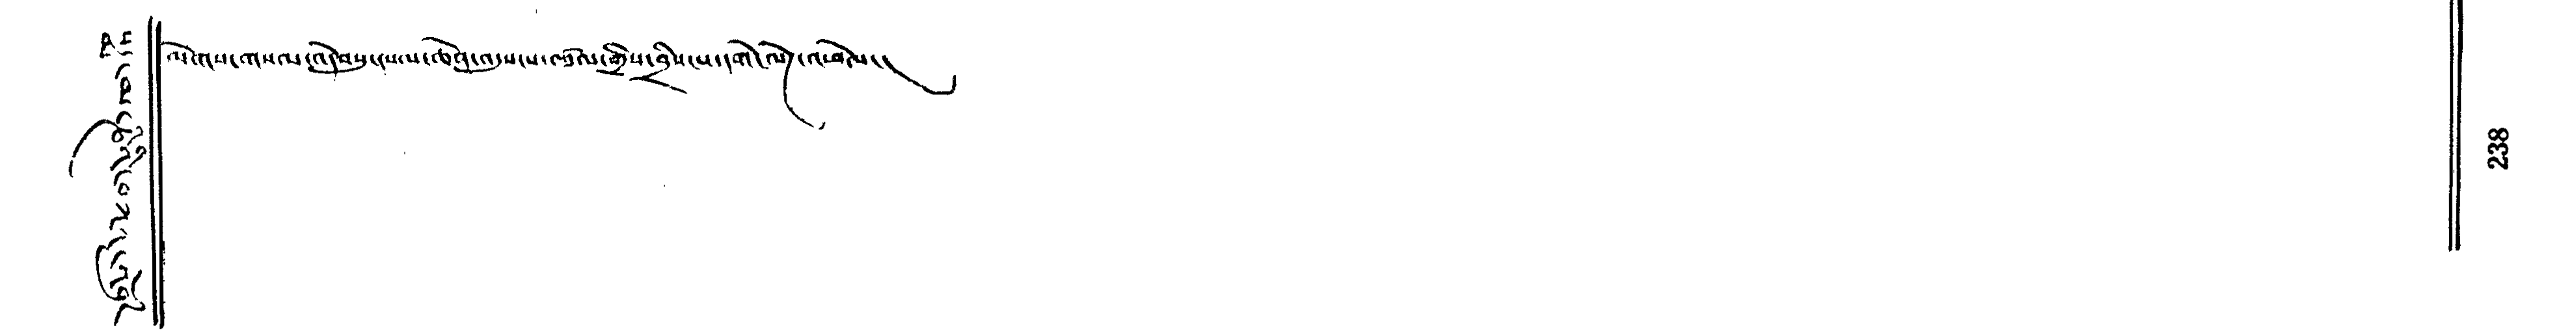ལེགས་གསལ་འདེབས་སུ་དཔལ་ཆེན་འདུས་པ་རྩལ་གྱིས་བྲིས་པ་དགེ་ལེགས་འཕེལ།།